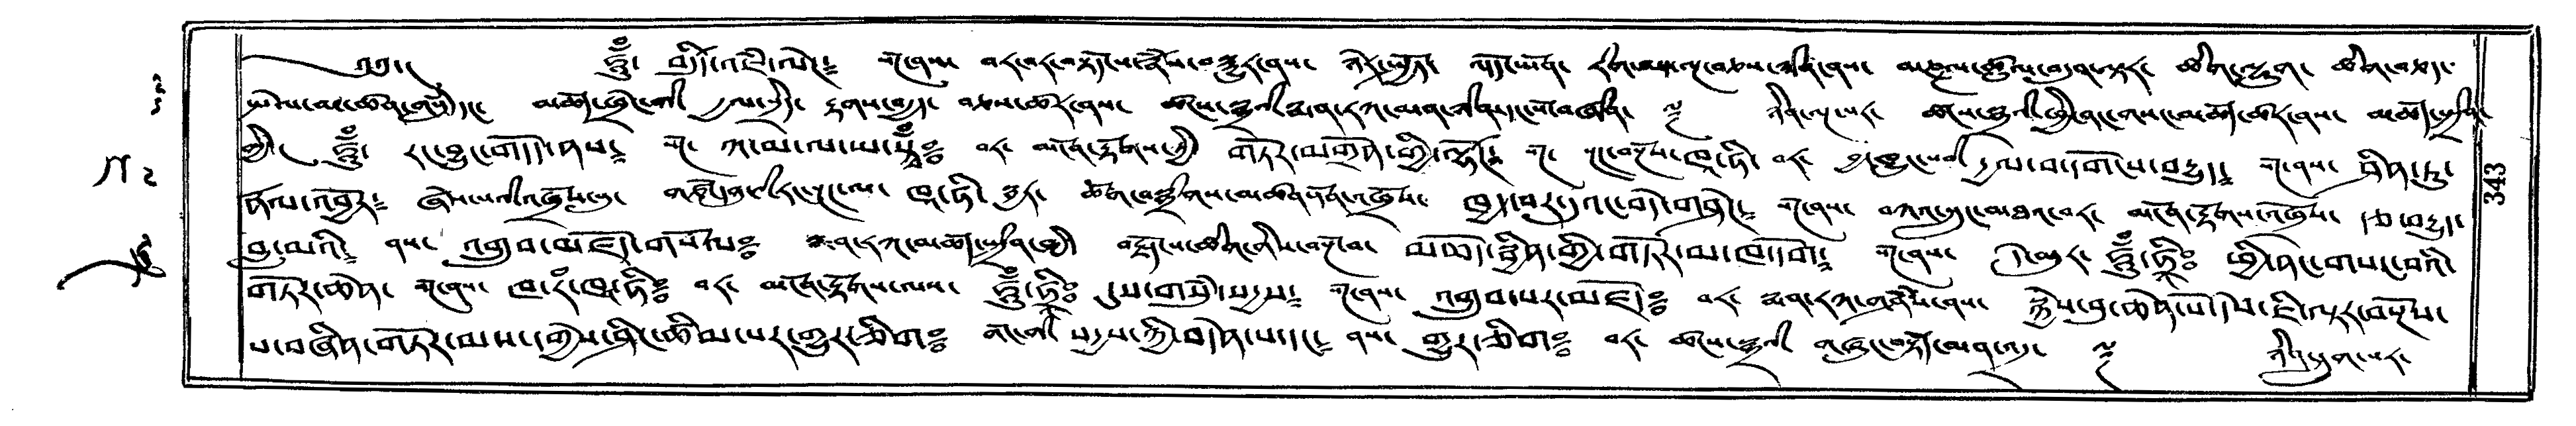ཧཱུྃ༔ བདུད་རྩི་འཇམ་ལེགས༴ སོགས་ནས། བར་གྱི་བསྟོད་པ་རྣམས་བསྐྱུར་ནས། ཉེར་སྤྱོད། འདོད་ཡོན་རིག་མ་ལྔ་བཅས་ཟིན་ནས། མཎྜལ་ཚུལ་བདུན་ལྟར། ཚིག་ལྷུག་ཚིགས་བཅད་
སྤེལ་མ་ཚན་གསུམ་དང་། མཆོད་ཕྲེང་གི་རྒྱལ་སྲིད། རྟགས་བརྒྱད་བཅས་ཚར་ནས། ཚངས་སྒྲའི་སྨན་རཀ་མན་ཉིན་དང་པོ་བཞིན། ཉིན་ལྔ་པར། ཚངས་སྒྲའི་ཕྱི་ནང་གསང་མཆོད་ཚར་ནས། མཆོད་སྤྲིན་
གྱི། ཧཱུྃ༔ རང་བྱུང་གདོད་ནས༴ སོགས། ཀ་མ་ལ་ཡ་སྟྭྃ༔ བར། མངོན་རྟོགས་ཀྱི། གཏོར་མགྲོན་གྱི་ལྷ་ཚོགས༴ སོགས། སྔགས་བསྔོ། ཁཱ་ཧི༴ བར། བྱ་ཁྱུང་པའི། རྒྱལ་བ་དགོངས་བརྒྱུད༴ སོགས་ནས། ཤིན་ཏུ་
རྣལ་འབྱོར༴ ཞེས་པའི་འཕྲོས་སུ། གཙོ་དགུའི་རང་སྔགས་ལ། ཁཱ་ཧི༔ སྦྱར། ཆོག་བསྒྲིགས་མཚན་དོན་འཕྲོས། ཁྱད་པར་དུའང་བདེ་གཤེགས༴ སོགས་ནས། བཀའ་སྲུང་མཐའ་བར། མངོན་རྟོགས་འཕྲོས། རྩ་བརྒྱུད་
བླ་མའི༴ ནས། འགྲུབ་མཛད་གསོལ༔ སྨན་རཀ་མཆོད་སྤྲིན་གྱི་བརྗོད་པ་ཚིག་གི་བསྔོ་བ། མཆོད་སྦྱིན་གྱི་གཏོར་མ་ཁ་དོག༴ སོགས་ནས། དེ་མུར། ཧཱུྃ་ཧྲཱིཿ ཕྱི་ནང་གསང་བའི་
གཏེར་ཆེན༴ སོགས་ནས། ཁ་རཾ་ཁཱ་ཧི༔ བར། མངོན་རྟོགས་ལས། ས ཧཱུྃ་ཧྲཱིཿ དུས་གསུམ་སངས་རྒྱས༴ སོགས་ནས། འགྲུབ་པར་མཛོད༔ བར། སྨན་རཀ་བཤམས་ནས། སྐྱེས་བུ་ཆེན་པོ་དེས་ཇི་ལྟར་བསྔོས་
པ་བཞིན་གཏོར་མས་དགྱེས་ཤིང་ཚིམ་པར་གྱུར་ཅིག༔ གོང་ག ི སངས་རྒྱས་ཀྱི་བདེན་པ་དང༴ ནས་གྱུར་ཅིག༔ བར། ཚངས་སྒྲའི་གཞུང་བསྟོད་མན་འདྲ། ཉིན་དྲུག་པར།